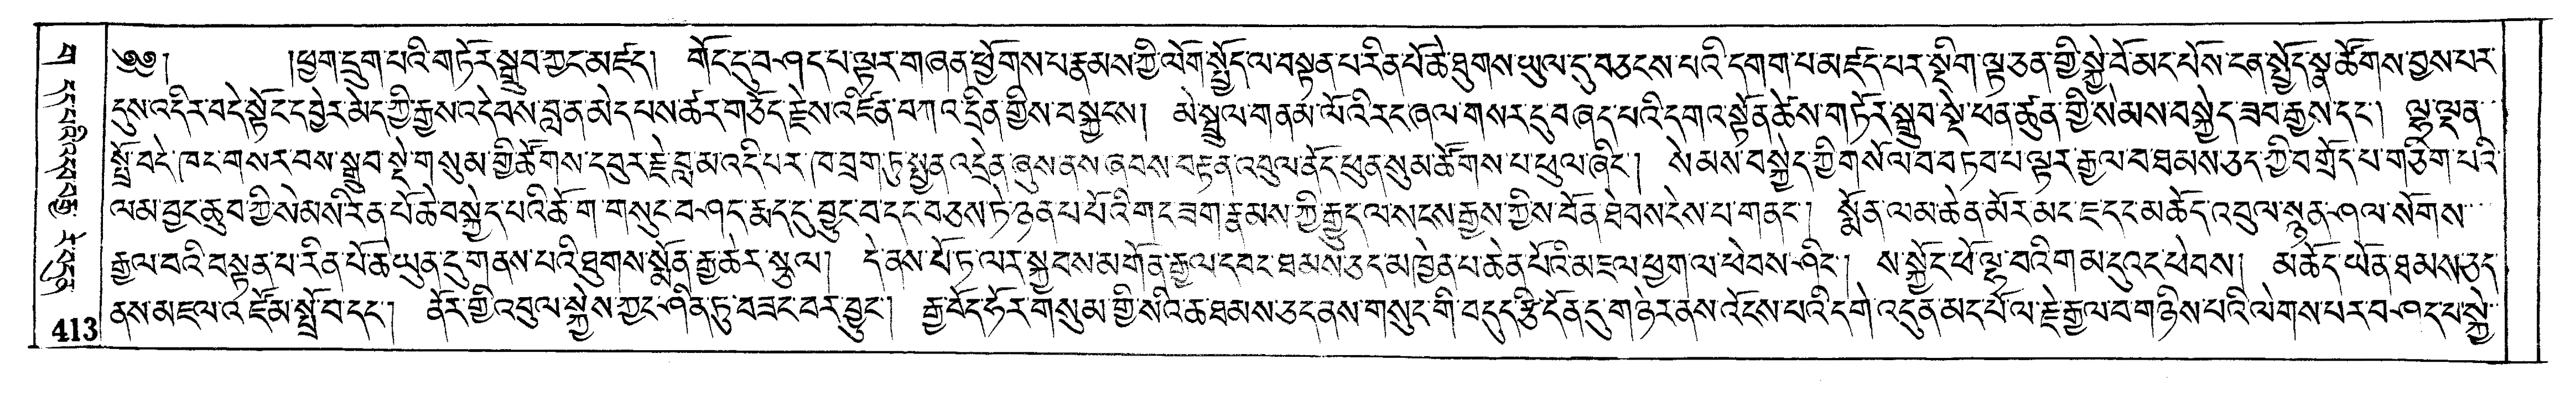༄༅། །ཕྱག་དྲུག་པའི་གཏོར་སྒྲུབ་ཀྱང་མཛད། གོང་དུ་བཤད་པ་ལྟར་གཞན་ཕྱོགས་བ་རྣམས་ཀྱི་ལོག་སྤྱོད་ལ་བསྟན་བ་རིན་པོ་ཆེ་ཐུགས་ཡུལ་དུ་བཅངས་པའི་དགག་པ་མཛད་པར་སྡིག་ལྟ་ཅན་གྱི་སྐྱེ་བོ་མང་པོས་ངན་སྤྱོད་སྣ་ཚོགས་བྱས་པ་ལ་
དུས་འདིར་བདེ་སྟོང་དབྱེར་མེད་ཀྱི་རྒྱས་འདེབས་བླ་ན་མེད་པས་ཚར་གཅོད་རྗེས་འཛིན་བཀའ་དྲིན་གྱིས་བསྐྱངས། མེ་སྤྲུལ་གནམ་ལོའི་རང་ཞལ་གསར་དུ་བཞད་པའི་དགའ་སྟོན་ཚེས་གཏོར་སྒྲུབ་སྡེ་ཕན་ཚུན་གྱི་སེམས་བསྐྱེད་ཟབ་རྒྱས་དང་། ལྷ་ལྡན་
སྤྲོ་བདེ་ཁང་གསར་བས་སྒྲུབ་སྡེ་གསུམ་གྱི་ཚོགས་དབུར་རྗེ་བླ་མ་འདི་པར་ཁ་བྲག་ཏུ་སྤྱན་འདྲེན་ཞུས་ནས་ཞབས་བརྟན་འབུལ་ནོད་ཕུན་སུམ་ཚོགས་པ་ཕུལ་ཞིང་། སེམས་བསྐྱེད་ཀྱི་གསོལ་བ་བཏབ་པ་ལྟར་རྒྱལ་བ་ཐམས་ཅད་ཀྱི་བགྲོད་པ་གཅིག་པའི་
ལམ་བྱང་ཆུབ་ཀྱི་སེམས་རིན་པོ་ཆེ་བསྐྱེད་བའི་ཆོ་ག་གསུང་བཤད་རྨད་དུ་བྱུང་བ་དང་བཅས་ཏེ་ཉན་པ་པོའི་གང་ཟག་རྣམས་ཀྱི་རྒྱུད་ལ་སངས་རྒྱས་ཀྱི་ས་བོན་ཐེབས་ངེས་པ་གནང་། སྨོན་ལམ་ཆེན་མོར་མང་ཇ་དང་མཆོད་འབུལ་སྙན་ཤལ་སོགས་
རྒྱལ་བའི་བསྟན་པ་རིན་པོ་ཆེ་ཡུན་དུ་གནས་པའི་ཐུགས་སྨོན་རྒྱ་ཆེར་སྩལ། དེ་ནས་བོ་རྟ་ལར་སྐྱབས་མགོན་རྒྱལ་དབང་ཐམས་ཅད་མཁྱེན་པ་ཆེན་པོའི་མཇལ་ཕྱག་ལ་ཕེབས་ཤིང་། ས་སྐྱོང་ཕོ་ལྷ་བའི་གམ་དུའང་ཕེབས། མཆོད་ཡོན་ཐམས་ཅད་
ནས་མཇལ་འཛོམ་སྤྲོ་བ་དང་། ནོར་གྱི་འབུལ་སྐྱེས་ཀྱང་ཤིན་ཏུ་བཟང་བར་བྱུང་། རྒྱ་བོད་ཧོར་གསུམ་གྱི་སའི་ཆ་ཐམས་ཅད་ནས་གསུང་གི་བདུད་རྩི་དོན་དུ་གཉེར་ནས་འོངས་པའི་དགེ་འདུན་མང་པོ་ལ་རྗེ་རྒྱལ་བ་གཉིས་པའི་ལེགས་པར་བཤད་པ་སྐྱེ་